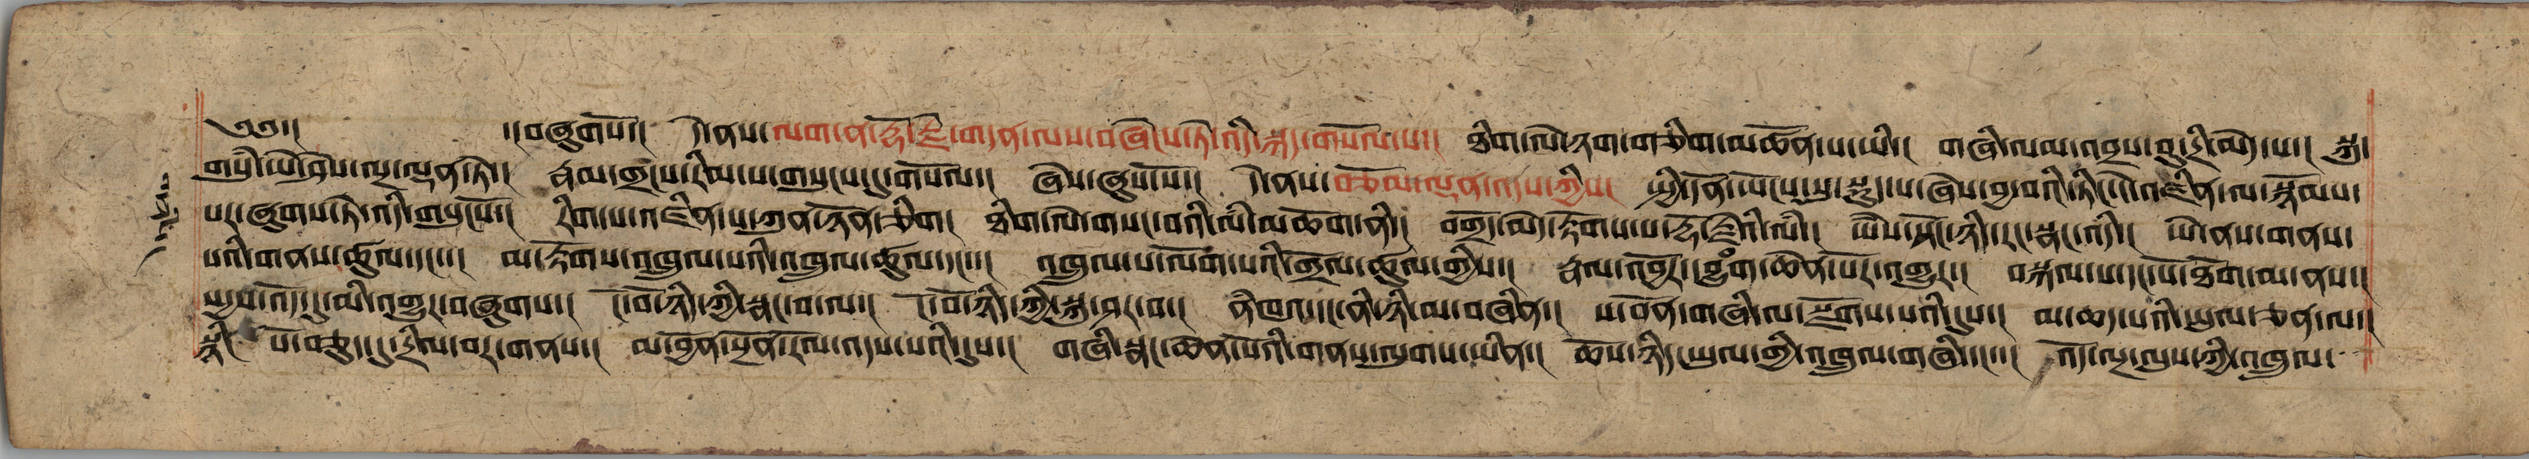༄༅་། ་།བཞུགསོ་། དེ་ནས་ལག་ན་རྡོ་རྗེ་གདན་ལས་བཞེངས་ཏེ་འདི་སྐད་གསོལ་པ་་ ཐིག་ལེ་ཉག་གཅིག་མཚོན་པ་ཡི་། གཞི་ལམ་འབྲས་བུ་དྲི་མེད་པ་། སྐུ་
གསུཾ་ཡེ་ཤེས་ལྔ་ལྡན་ཏེ་། རྣམ་གྲངས་རིམ་པ་གསུངས་དུ་གསོལ་། ཞེས་ཞུས་སོ་། དེ་ནས་བཅོམ་ལྡན་འདས་ཀྱིས་ སྤྱི་དོན་ཡོངས་སུ་སྡུད་པ་ཞེས་བྱ་བའི་ཏིང་ངེ་འཛིན་ལ་སྙོམས་
པར་ཞུགས་ཏེ་འདི་གསུངསོ་། རིག་པ་འཛིན་པ་ཀུན་ཉོན་ཅིག། ཐིག་ལེ་གསང་བའི་ལཾ་མཆོག་ནི་། བགྲོད་མེད་རྟོགས་པ་རྡོ་རྗེའི་ལཾ་། ཡཻས་སྟོང་ཉིད་རང་སྣང་འདི་། ཡེ་ནས་གནས་
པའི་གནས་ཚུལ་དང་་། མ་རྟོགས་འཁྲུལ་པའི་འཁྲུལ་ཚུལ་དང་་། འཁྲུལ་པ་ལོག་པའི་གྲོལ་ཚུལ་གྱིས་། རྣལ་འབྱོར་དབྱུཾག་ཆེན་པོར་འགྱུར་། བསྐལ་པ་དང་པོ་ཐོག་མ་ནས་།
སདྱས་འོད་དུ་མི་འགྱུར་བཞུགས་། ངོ་བོ་ཉིད་ཀྱི་སྣང་བ་ལ་། ངོ་བོ་ཉིད་ཀྱི་སྐུ་ཤར་བ་། ནཾཁའ་དང་ནི་ཉི་མ་བཞིན་། ས་བོན་གཞི་ལ་སྫོགས་པའི་དུས་། མ་ཆད་པའི་ཡུལ་ཅན་ལ་།
སྙིང་པོ་བཅུད་དུ་དྲིལ་བར་གནས་། མ་བྱོན་སྔོན་རོལ་འདས་པའི་དུས་། གཞི་སྣང་ཆེན་པོའི་གནས་ལུགས་ཡིན་། ཆོས་ཉིད་ཡུལ་གྱི་འཁྲུལ་གཞི་དང་་། འོད་ལྔ་ལུས་ཀྱི་འཁྲུལ་